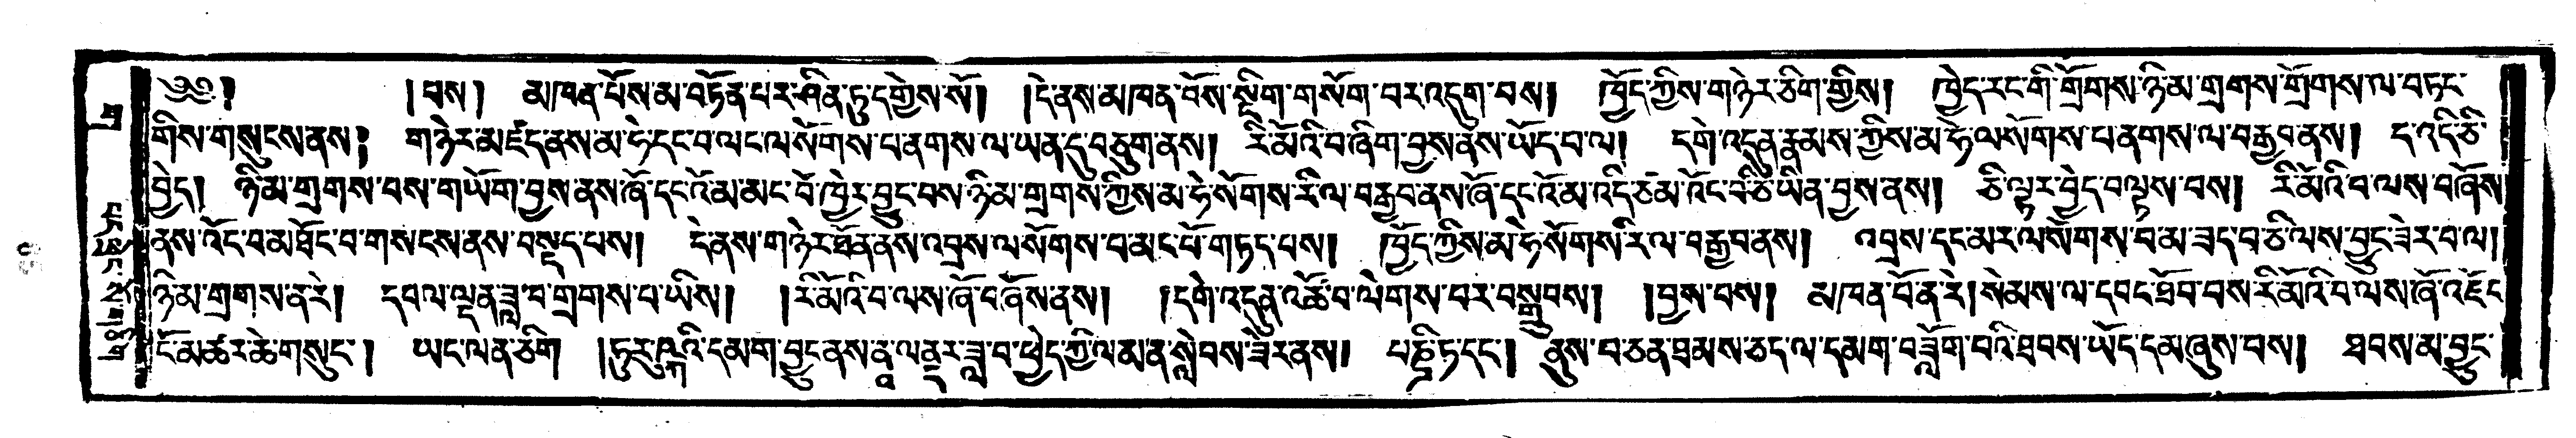༄༅། །བས། མཁན་པོས་མ་བཏོན་པར་ཤིན་ཏུ་དགྱེས་སོ། །དེ་ནས་མཁན་བོས་སྡིག་གསོག་པར་འདུག་པས། ཁྱོད་ཀྱིས་གཉེར་ཅིག་གྱིས། ཁྱེད་རང་གི་གྲོགས་ཉི་མ་གྲགས་གྲོགས་ལ་བཏང་
གིས་གསུངས་ནས༑ གཉེར་མཛད་ནས་མ་ཧེ་དང་བ་ལང་ལ་སོགས་པ་ནགས་ལ་ཡན་དུ་བཅུག་ནས། རི་མོའི་བ་ཞིག་བྱས་ནས་ཡོད་པ་ལ། དགེ་འདུན་རྣམས་ཀྱིས་མ་ཧེ་ལ་སོགས་པ་ནགས་ལ་བརྒྱབ་ནས། ད་འདི་ཅི་
བྱེད། ཉི་མ་གྲགས་པས་གཡོག་བྱས་ནས་ཞོ་དང་འོ་མ་མང་པོ་ཁྱེར་བྱུང་བས་ཉི་མ་གྲགས་ཀྱིས་མ་ཧེ་སོགས་རི་ལ་བརྒྱབ་ནས་ཞོ་དང་འོ་མ་འདི་ཙམ་འོང་བ་ཅི་ཡིན་བྱས་ནས། ཅི་ལྟར་བྱེད་བལྟས་པས། རི་མོའི་བ་ལས་བཞོས་
ནས་འོང་བ་མཐོང་བ་གསངས་ནས་བསྡད་པས། དེ་ནས་གཉེར་ཐོན་ནས་འབྲས་ལ་སོགས་པ་མང་པོ་གཏད་པས། ཁྱོད་ཀྱིས་མ་ཧེ་སོགས་རི་ལ་བརྒྱབ་ནས། འབྲས་དང་མར་ལ་སོགས་པ་མ་ཟད་པ་ཅི་ལས་བྱུང་ཟེར་བ་ལ།
ཉི་མ་གྲགས་ན་རེ། དཔལ་ལྡན་ཟླ་བ་གྲགས་པ་ཡིས། །རི་མོའི་བ་ལས་ཞོ་བཞོས་ནས། །དགེ་འདུན་འཚོ་བ་ལེགས་པར་བསྒྲུབས། །བྱས་པས། མཁན་པོ་ན་རེ། སེམས་ལ་དབང་ཐོབ་པས་རི་མོའི་བ་ལས་ཞོ་འཇོང་
ངོ་མཚར་ཆེ་གསུང་། ཡང་ལན་ཅིག། ཏུར་ཥྐའི་དམག་བྱུང་ནས་ནཱ་ལནྡར་ཟླ་བ་ཕྱེད་ཀྱི་ལམ་ན་སླེབས་ཟེར་ནས། པཎྜི་ཏ་དང་། ནུས་པ་ཅན་ཐམས་ཅད་ལ་དམག་བཟློག་པའི་ཐབས་ཡོད་དམ་ཞུས་པས། ཐབས་མ་བྱུང་